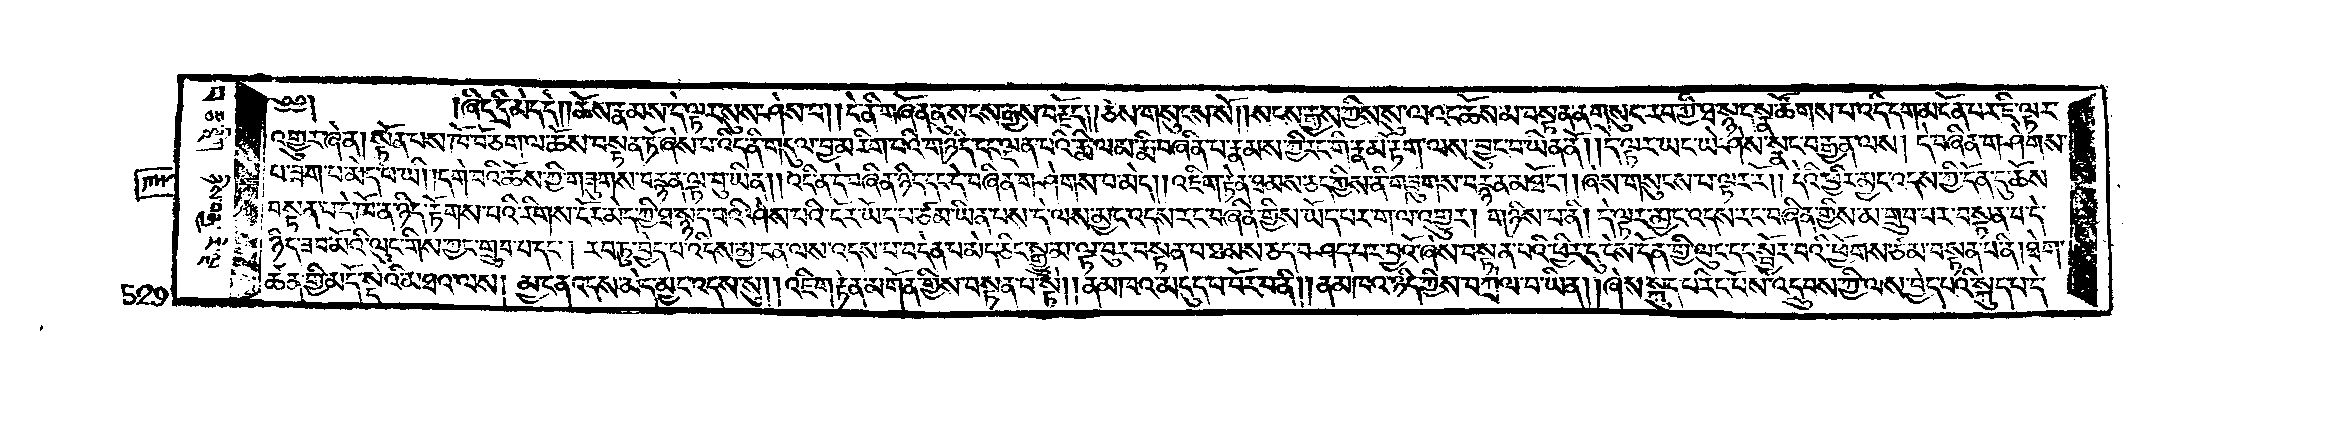༄༅། །ཞིང་དྲི་མེད་དེ། །ཆོས་རྣམས་དེ་ལྟར་སུས་ཤེས་པ། །དེ་ནི་བཞིན་གཞོན་ནུ་སངས་རྒྱས་བརྗོད། །ཅེས་གསུངས་སོ། །སངས་རྒྱས་ཀྱིས་སུ་ལའང་ཆོས་མ་བསྟན་ན་གསུང་རབ་ཀྱི་ཐ་སྙད་སྣ་ཚོགས་པ་འདི་དག་མངོན་པར་ཇི་ལྟར་
འགྱུར་ཞེ་ན། སྟོན་པས་ཁོ་བོ་ཅག་ལ་ཆོས་བསྟན་ཏོ་ཞེས་པ་འདི་ནི་གདུལ་བྱ་མ་རིག་པའི་གཉིད་དང་ལྡན་པའི་རྨི་ལམ་རྨི་བཞིན་པ་རྣམས་ཀྱི་རང་གི་རྣམ་རྟོག་ལས་བྱུང་བ་ཡིན་ནོ། །དེ་ལྟར་ཡང་ཡེ་ཤེས་སྣང་བརྒྱན་ལས། དེ་བཞིན་གཤེགས་
པ་ཟག་པ་མེད་པ་ཡི། །དགེ་བའི་ཆོས་ཀྱི་གཟུགས་བརྙན་ལྟ་བུ་ཡིན། །འདི་ན་དེ་བཞིན་ཉིད་དང་དེ་བཞིན་གཤེགས་པ་མེད། །འཇིག་རྟེན་ཐམས་ཅད་ཀྱིས་ནི་གཟུགས་བརྙན་མཐོང་། །ཞེས་གསུངས་པ་ལྟར་རོ། །དེའི་ཕྱིར་མྱང་འདས་ཀྱི་དོན་དུ་ཆོས་
བསྟན་པ་དེ་ཁོ་ན་ཉིད་རྟོགས་པའི་རིགས་ངོར་མེད་ཀྱི་ཐ་སྙད་པའི་ཤེས་པའི་ངོར་ཡོད་པ་ཙམ་ཡིན་པས་དེ་ལས་མྱང་འདས་རང་བཞིན་གྱིས་ཡོད་པར་ག་ལ་འགྱུར། གཉིས་པ་ནི། དེ་ལྟར་མྱང་འདས་རང་བཞིན་གྱིས་མ་གྲུབ་པར་བསྟན་པ་དེ་
ཉིད་ཟབ་མོའི་ལུང་གིས་ཀྱང་གྲུབ་པ་དང་། རབ་ཏུ་བྱེད་པ་འདིས་མྱ་ངན་ལས་འདས་པ་བདེན་པ་མེད་ཅིང་སྒྱུ་མ་ལྟ་བུར་བསྟན་པ་ཐམས་ཅད་བཤད་པར་བྱའོ་ཞེས་བསྟན་པའི་ཕྱིར་དུ་ངེས་དོན་གྱི་ལུང་དང་སྦྱོར་བའི་ཕྱོགས་ཙམ་བསྟན་པ་ནི། ཐེག་
ཆེན་གྱི་མདོ་སྡེའི་མཐའ་ལས། མྱ་ངན་འདས་མེད་མྱང་འདས་སུ། །འཇིག་རྟེན་མགོན་གྱིས་བསྟན་པ་སྟེ། །ནམ་མཁའ་མདུད་པ་བོར་བ་ནི། །ནམ་མཁའ་ཉིད་ཀྱིས་བཀྲེལ་བ་ཡིན། །ཞེས་སྐུད་པ་རིང་པོས་འདྲུབས་ཀྱི་ལས་བྱེད་པའི་སྐུད་པ་དེ་